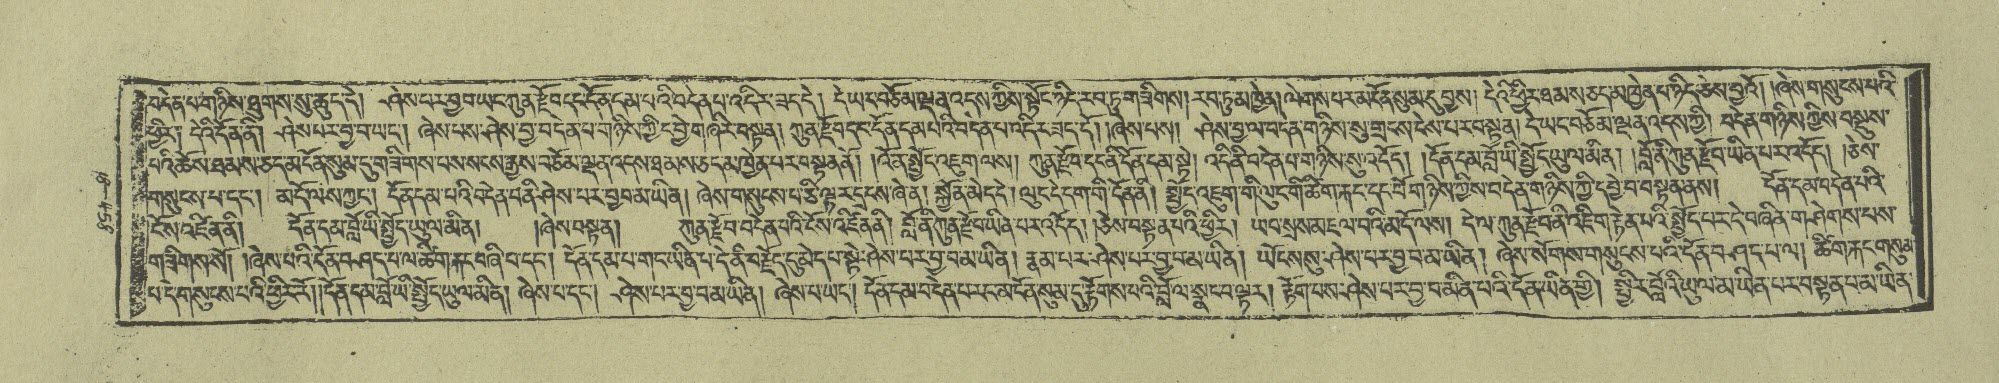བདེན་པ་གཉིས་ཐུགས་སུ་ཆུད་དེ། ཤེས་པར་བྱ་བ་ཡང་ཀུན་རྫོབ་དང་དོན་དམ་པའི་བདེན་པ་འདིར་ཟད་དེ། དེ་ཡང་བཅོམ་ལྡན་འདས་ཀྱིས་སྟོང་ཉིད་རབ་ཏུ་གཟིགས། རབ་ཏུ་མཁྱེན། ལེགས་པར་མངོན་སུམ་དུ་བྱས། དེའི་ཕྱིར་ཐམས་ཅད་མཁྱེན་པ་ཉིད་ཅེས་བྱའོ། །ཞེས་གསུངས་པའི་
ཕྱིར། དེའི་དོན་ནི། ཤེས་པར་བྱ་བ་ཡང་། ཞེས་པས་ཤེས་བྱ་བདེན་པ་གཉིས་ཀྱི་དབྱེ་གཞིར་བསྟན། ཀུན་རྫོབ་དང་དོན་དམ་པའི་བདེན་པ་འདིར་ཟད་དོ། །ཞེས་པས། ཤེས་བྱ་ལ་བདེན་གཉིས་སུ་གྲངས་ངེས་པར་བསྟན། དེ་ཡང་བཅོམ་ལྡན་འདས་ཀྱི། བདེན་གཉིས་ཀྱིས་བསྡུས་
པའི་ཆོས་ཐམས་ཅད་མངོན་སུམ་དུ་གཟིགས་པས་སངས་རྒྱས་བཅོམ་ལྡན་འདས་ཐམས་ཅད་མཁྱེན་པར་བསྟན་ནོ། །འོ་ན་སྤྱོད་འཇུག་ལས། ཀུན་རྫོབ་དང་ནི་དོན་དམ་སྟེ། འདི་ནི་བདེན་པ་གཉིས་སུ་འདོད། །དོན་དམ་བློ་ཡི་སྤྱོད་ཡུལ་མིན། །བློ་ནི་ཀུན་རྫོབ་ཡིན་པར་འདོད། །ཅེས་
གསུངས་པ་དང་། མདོ་ལས་ཀྱང་། དོན་དམ་པའི་བདེན་པ་ནི་ཤེས་པར་བྱ་བ་མ་ཡིན། ཞེས་གསུངས་པ་ཅི་ལྟར་དྲངས་ཞེ་ན། སྐྱོན་མེད་དེ། ལུང་དེ་དག་གི་དོན་ནི། སྤྱོད་འཇུག་གི་ལུང་གི་ཚིག་རྐང་དང་པོ་གཉིས་ཀྱིས་བདེན་གཉིས་ཀྱི་དབྱེ་བ་བསྟན་ནས། དོན་དམ་བདེན་པའི་
ངོས་འཛིན་ནི། དོན་དམ་བློ་ཡི་སྤྱོད་ཡུལ་མིན། །ཞེས་བསྟན། ཀུན་རྫོབ་བདེན་པའི་ངོས་འཛིན་ནི། བློ་ནི་ཀུན་རྫོབ་ཡིན་པར་འདོད། །ཅེས་བསྟན་པའི་ཕྱིར། ཡབ་སྲས་མཇལ་བའི་མདོ་ལས། དེ་ལ་ཀུན་རྫོབ་ནི་འཇིག་རྟེན་པའི་སྤྱོད་པར་དེ་བཞིན་གཤེགས་པས་
གཟིགས་སོ། །ཞེས་པའི་དོན་བཤད་པ་ལ་ཚིག་རྐང་བཞི་པ་དང་། དོན་དམ་པ་གང་ཡིན་པ་དེ་ནི་བརྗོད་དུ་མེད་པ་སྟེ་ཤེས་པར་བྱ་བ་མ་ཡིན། རྣམ་པར་ཤེས་པར་བྱ་བ་མ་ཡིན། ཡོངས་སུ་ཤེས་པར་བྱ་བ་མ་ཡིན། ཞེས་སོགས་གསུངས་པའི་དོན་བཤད་པ་ལ། ཚིག་རྐང་གསུམ་
པ་དེ་གསུངས་པའི་ཕྱིར་རོ། །དོན་དམ་བློ་ཡི་སྤྱོད་ཡུལ་མིན། ཞེས་པ་དང་། ཤེས་པར་བྱ་བ་མ་ཡིན། ཞེས་པ་ཡང་། དོན་དམ་བདེན་པ་རང་མངོན་སུམ་དུ་རྟོགས་པའི་བློ་ལ་སྣང་བ་ལྟར། རྟོག་པས་ཤེས་པར་བྱ་བ་མིན་པའི་དོན་ཡིན་གྱི། སྤྱིར་བློའི་ཡུལ་མ་ཡིན་པར་བསྟན་པ་མ་ཡིན་